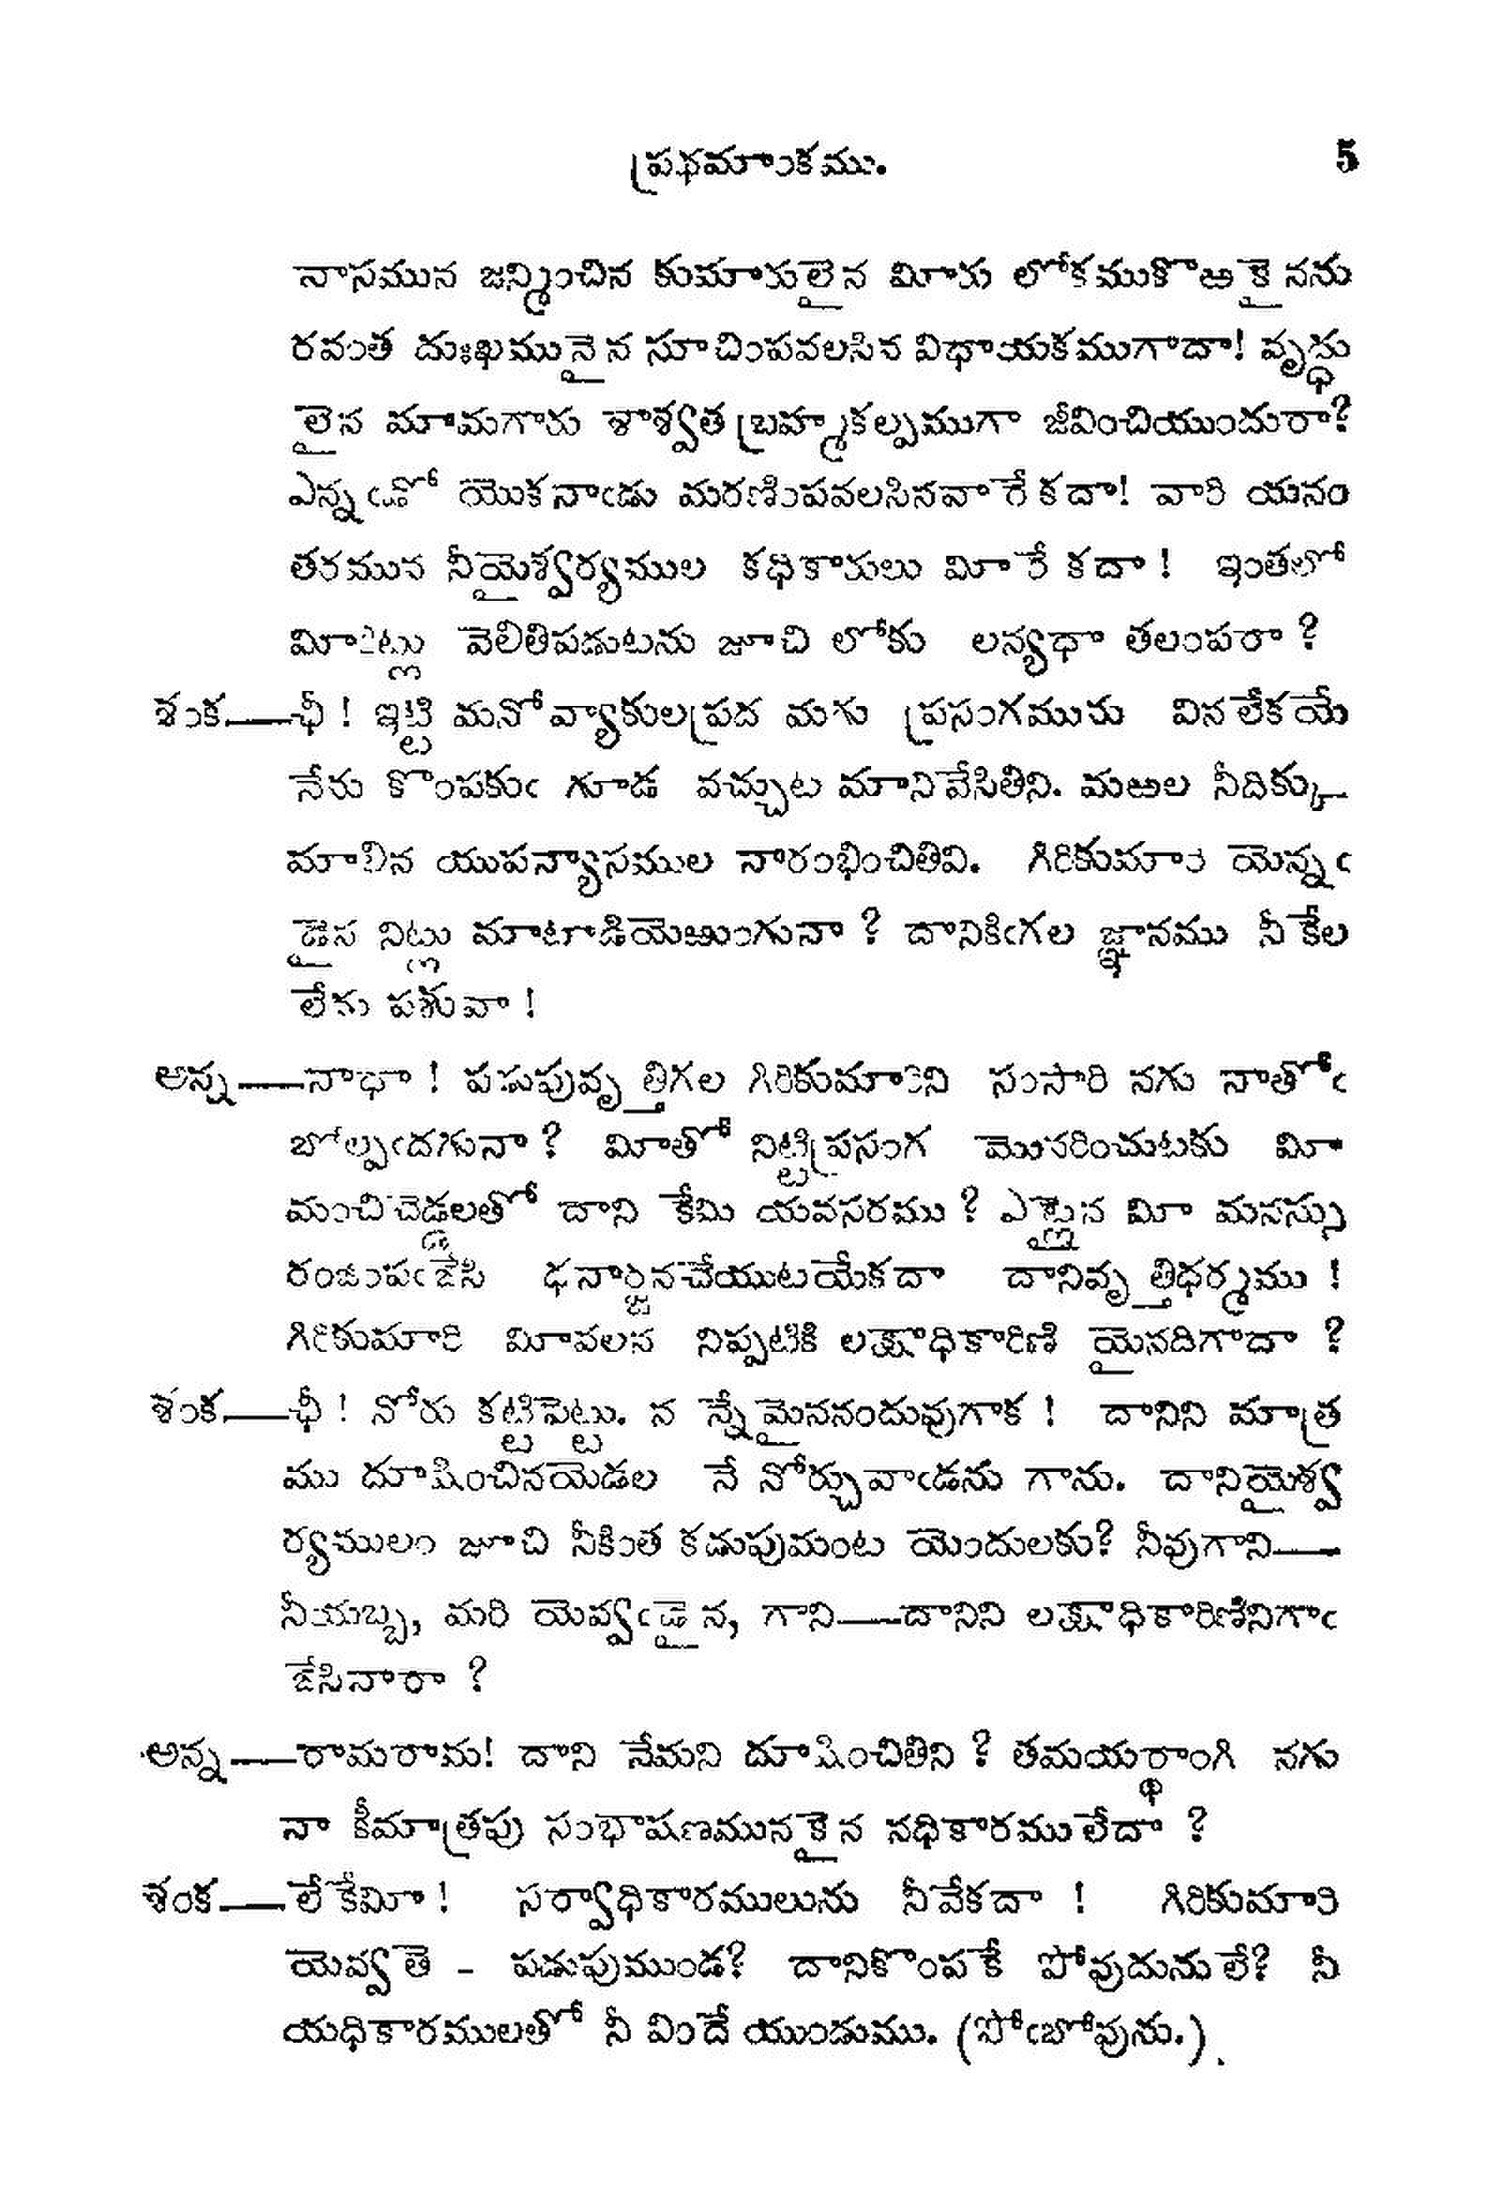వాసమున జన్మించిన కుమారులైన మీరు లోకముకొఱకైనను రవంత దుఃఖమునైన సూచింపవలసిన విధాయకముగాదా! వృద్ధులైన మామగారు శాశ్వత బ్రహ్మకల్పముగా జీవించియుందురా? ఎన్నఁడో యొకనాఁడు మరణింపవలసినవారేకదా! వారి యనంతరమున నీయైశ్వర్యముల కధికారులు మీరే కదా! ఇంతలో మీరిట్లు వెలితిపడుటను జూచి లోకు లన్యధా తలంపరా?

శంక - ఛీ! ఇట్టి మనో వ్యాకులప్రద మగు ప్రసంగమును వినలేకయే నేను కొంపకుఁ గూడ వచ్చుట మానివేసితిని. మఱల నీదిక్కుమాలిన యుపన్యాసముల నారంభించితివి. గిరికుమారి యెన్నఁడైన
నిట్లు మాటాడియెఱుంగునా ? దానికిఁగల జ్ఞానము నీకేల లేదు పశువా!

అన్న -- నాధా ! పడుపువృత్తిగల గిరికుమారిని సంసారి నగు నాతోఁ బోల్పఁదగునా? మీతో నిట్టిప్రసంగ మొనరించుటకు మీ మంచిచెడ్డలతో దాని కేమి యవసరము ? ఎట్లైన మీ మనస్సు రంజింపఁజేసి ధనార్జనచేయుటయేకదా దానివృత్తిధర్మము! గిరికుమారి మీవలస నిప్పటికి లక్షాధికారిణి యైనదిగాదా ?

శంక - ఛీ ! నోరు కట్టిపెట్టు. న న్నేమైననందువుగాక ! దానిని మాత్రము దూషించినయెడల నే నోర్చువాఁడను గాను. దానియైశ్వర్యములం జూచి నీకింత కడుపుమంట యెందులకు? నీవుగాని -
నీయబ్బ, మరి యెవ్వఁడైన, గాని - దానిని లక్షాధికారిణినిగాఁ జేసినారా?

అన్న - రామరామ! దాని నేమని దూషించితిని ? తమయర్థాంగి నగు నా కీమాత్రపు సంభాషణమునకైన నధికారము లేదా ?

శంక - లేకేమీ! సర్వాధికారములును నీవేకదా ! గిరికుమారి యెవ్వతె - పడుపుముండ? దానికొంపకే పోవుదును లే? నీ యధికారములతో నీ విందే యుండుము. (పోఁబోవును.).